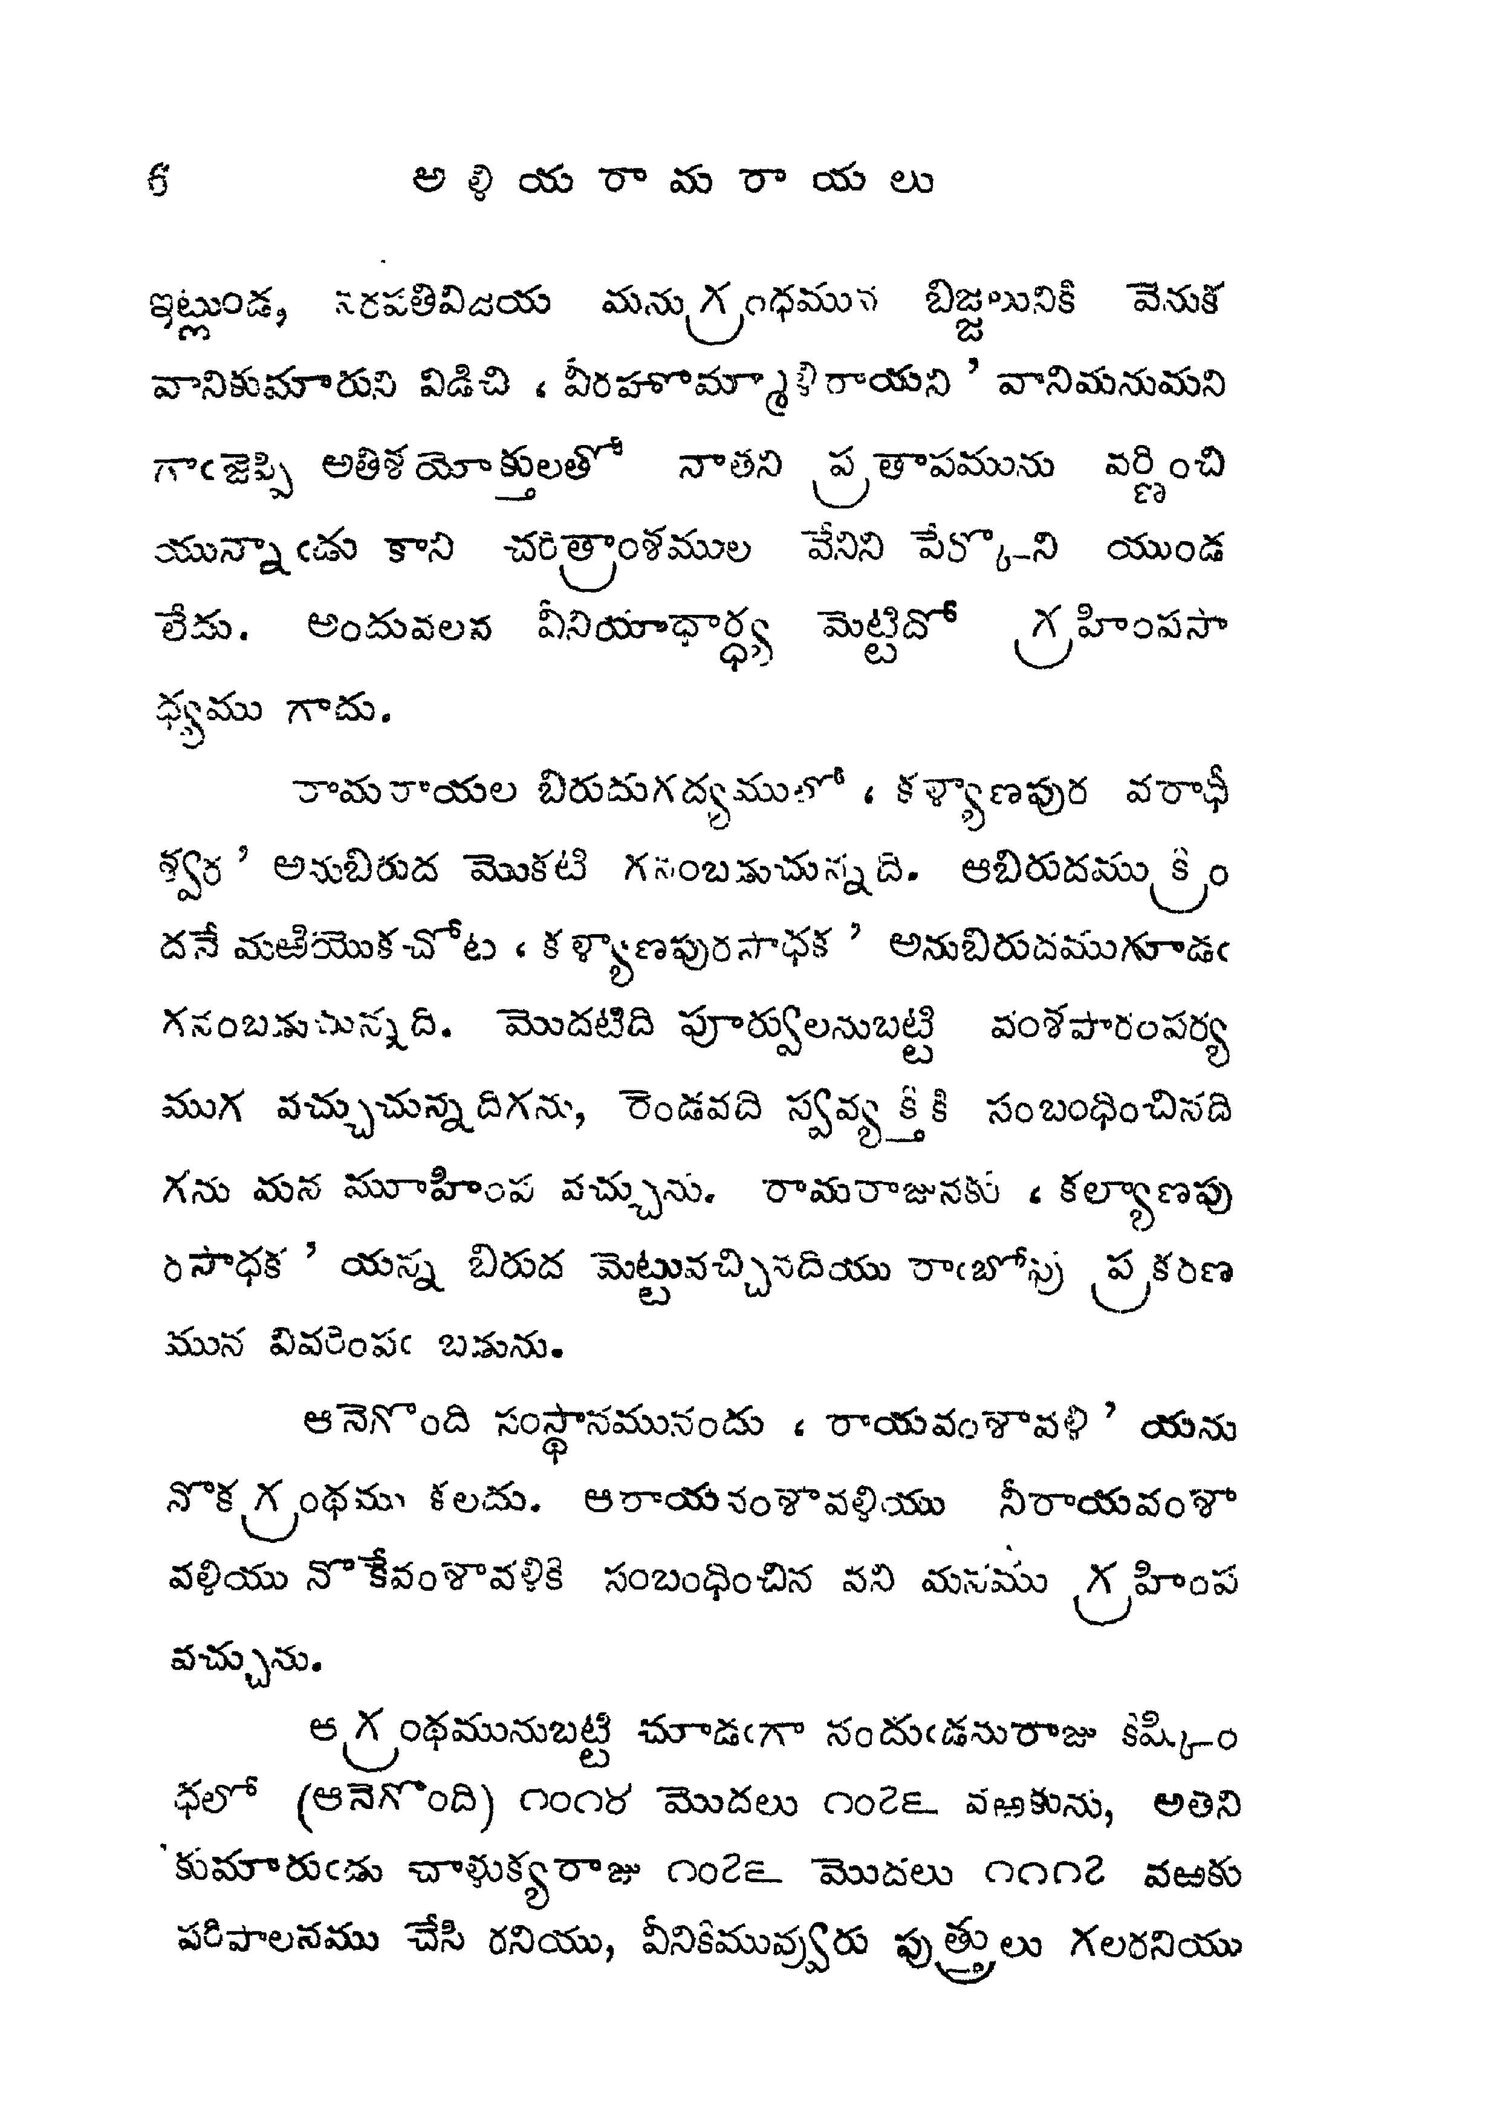ఇట్లుండ, నరపతివిజయ మనుగ్రంథమున బిజ్జులునికి వెనుక వానికుమారుని విడిచి 'వీరహొమ్మాళిరాయని' వానిమనుమనిగాజెప్పి అతిశయోక్తులతో నాతని ప్రతాపమును వర్ణించి యున్నాడు కాని చరిత్రాంశముల వేనిని పేర్కొని యుండలేదు. అందువలన వీనియాధార్ధ్య మెట్టిదో గ్రహింపసాధ్యము గాదు.

రామరాయల బిరుదుగద్యములో 'కళ్యాణపుర పరాధీశ్వర' అనుబిరుద మొకటి గనంబడుచున్నది. ఆబిరుదముక్రిందనే మఱియొకచోట 'కళ్యాణపురసాధక' అనుబిరుదముగూడ గనంబడుచున్నది. మొదటిది పూర్వులనుబట్టి వంశపారంపర్యముగ వచ్చుచున్నదిగను, రెండవది స్వవ్యక్తికి సంబంధించినదిగను మన మూహింప వచ్చును. రామరాజునకు 'కల్యాణపురసాధక' యన్న బిరుద మెట్టువచ్చినదియు రాబోవు ప్రకరణమున వివరింప బడును.

ఆనెగొంది సంస్థానమునందు 'రాయవంశావళి' యను నొకగ్రంథము కలదు. ఆరాయవంశావళియు నీరాయవంశావళియు నొకేవంశావళికి సంబంధించిన వని మనము గ్రహింపవచ్చును.

ఆగ్రంథమునుబట్టి చూడగా నందుడనురాజు కిష్కింధలో (ఆనెగొంది) 1014 మొదలు 1076 వఱకును, అతని కుమారుడు చాళుక్యరాజు 1076 మొదలు 1117 వఱకు పరిపాలనము చేసి రనియు, వీనికిమువ్వురు పుత్త్రులు గలరనియు